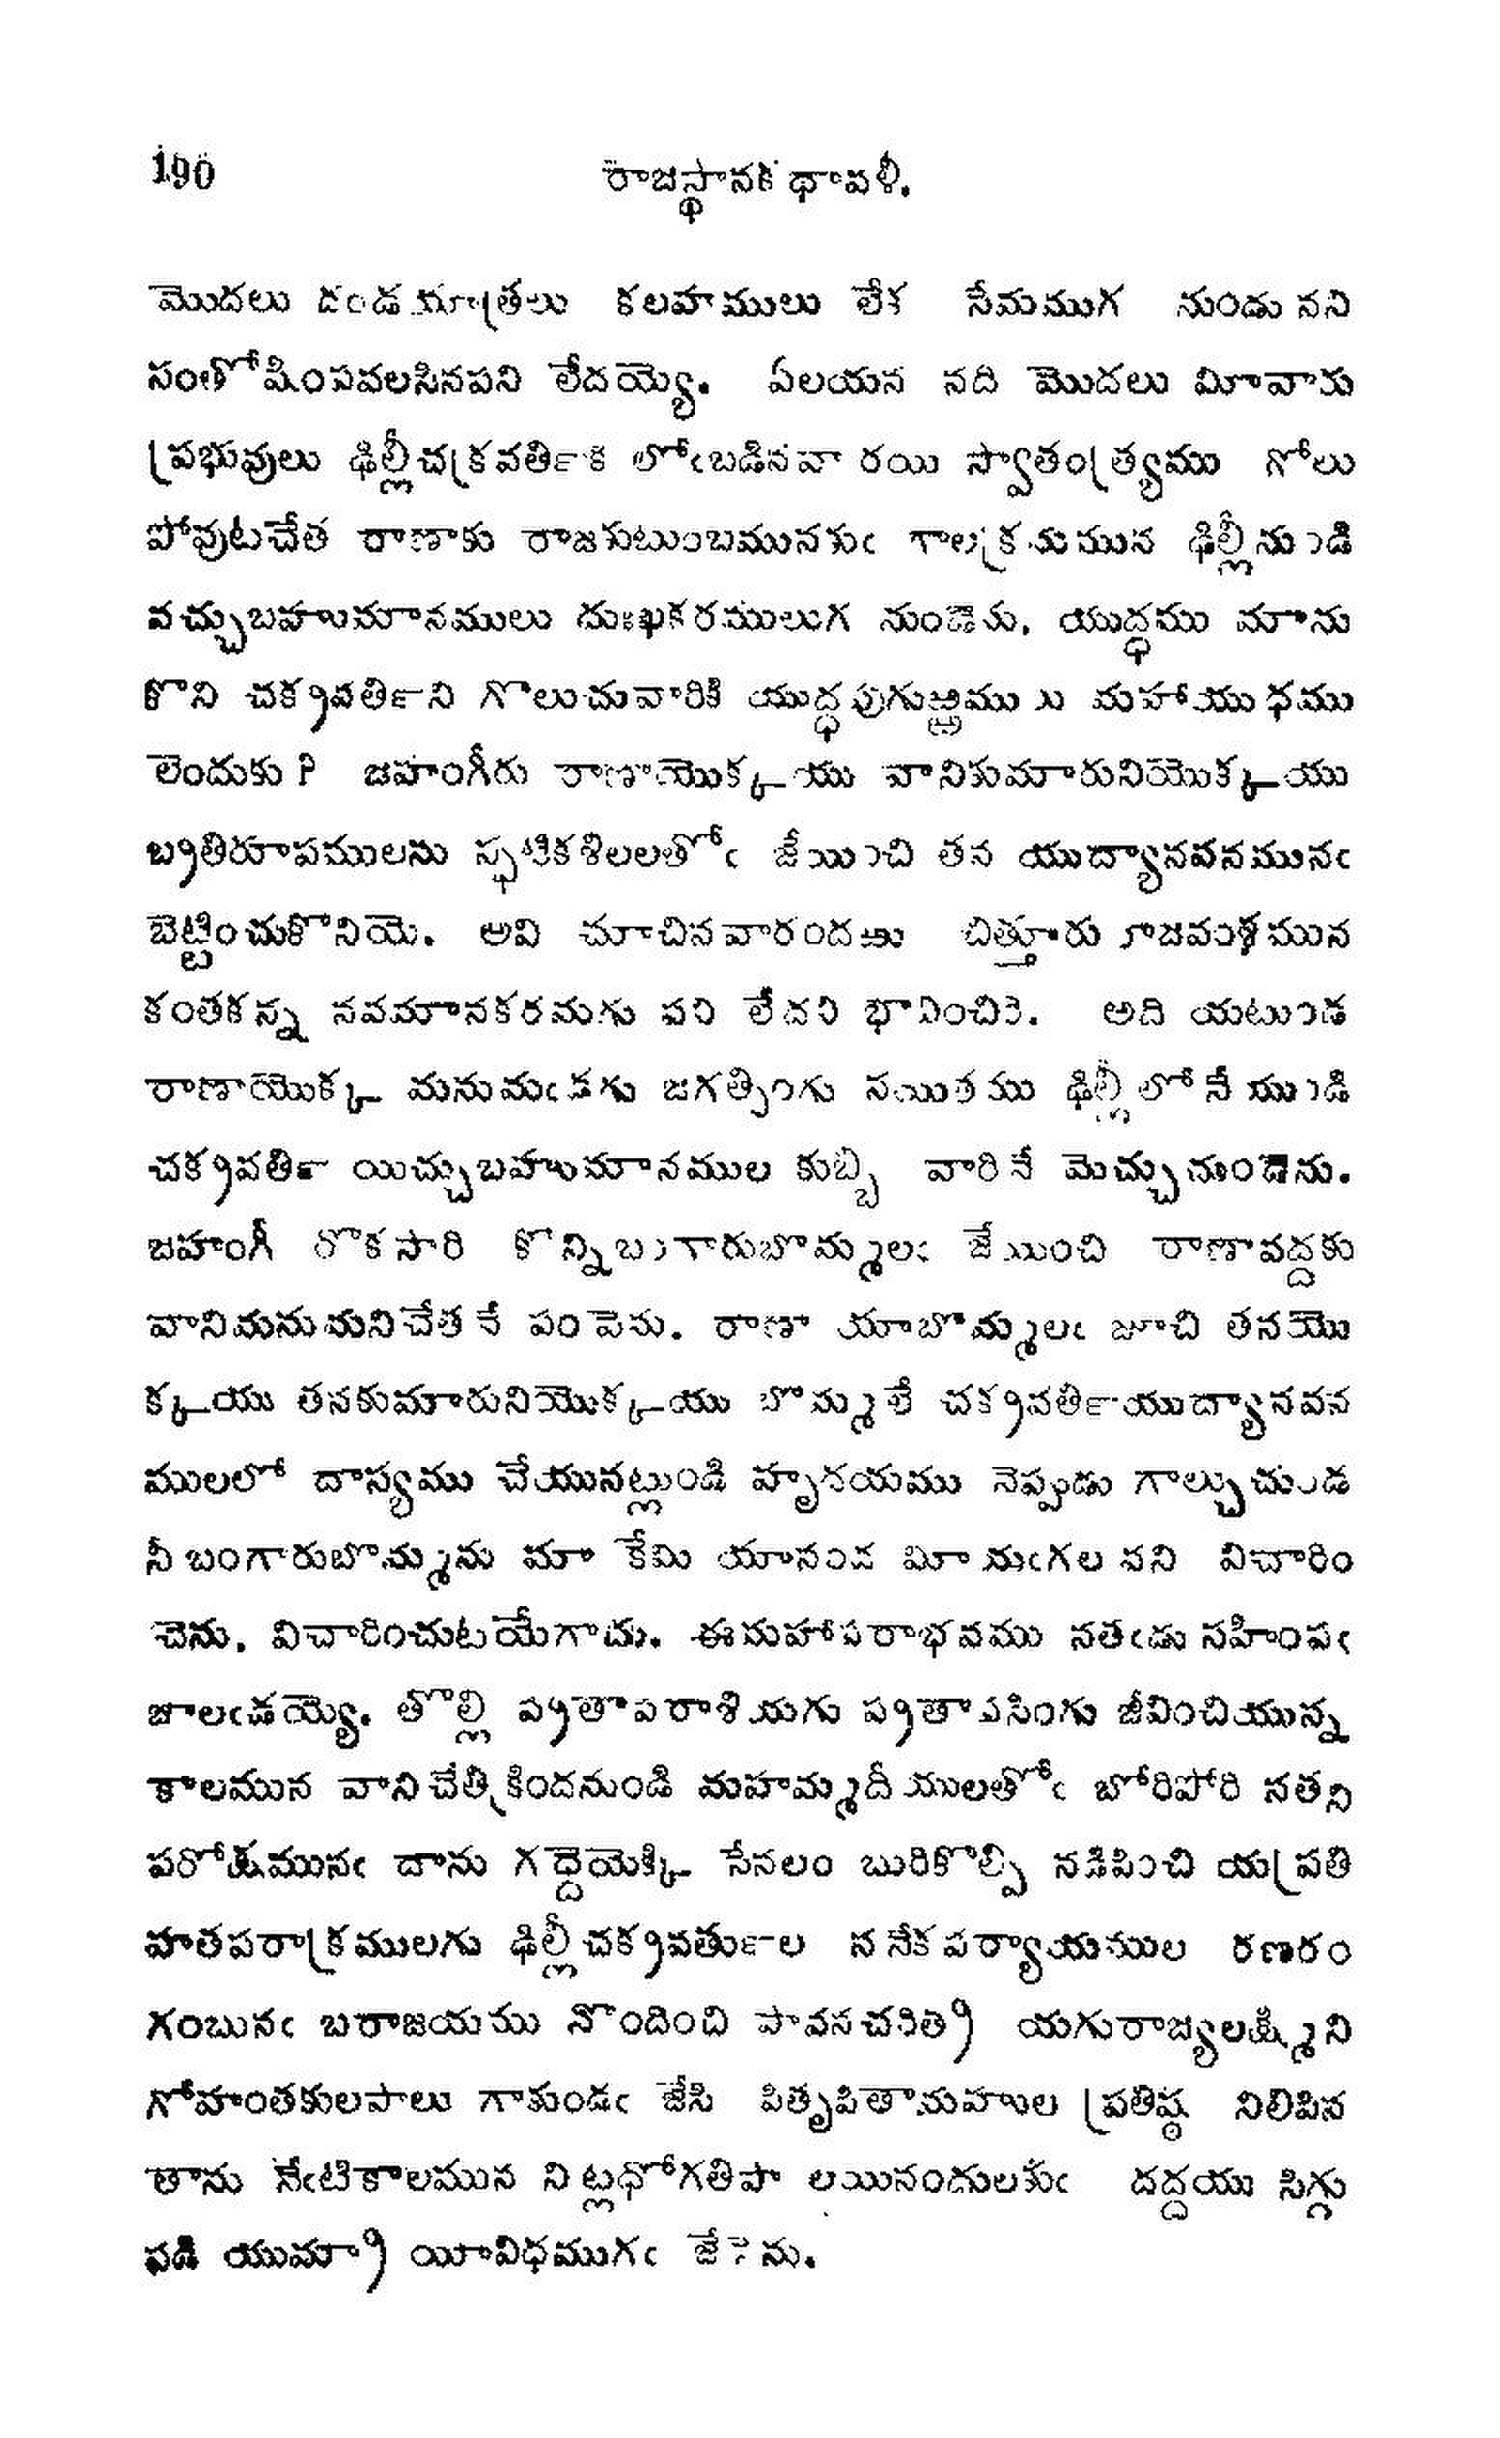మొదలు దండయాత్రలు కలహములు లేక సేమముగ నుండు నని సంతోషింపవలసినపని లేదయ్యె. ఏలయన నది మొదలు మీవారు
ప్రభువులు ఢిల్లీ చక్రవతి౯కి లోఁబడిన వా రయి స్వాతంత్య్రము గోలు పోవుటచేత రాణాకు రాజకుటుంబమునకుఁ గాలక్రమమున ఢిల్లీ నుండి వచ్చు బహుమానములు దుఃఖకరములుగ నుండెను. యుద్ధము మానుకొని చక్రవతి౯ని గొలుచువారికి యుద్ధపుగుఱ్ఱములు మహాయుధము లెందుకు? జహంగీరు రాణా యొక్కయు వానికుమారునియొక్కయు బ్రతిరూపములసు స్ఫిటిక శిలలతోఁ జేయించి తన యుద్యానవనమున బెట్టించుకొనియె. అవి చూచిన వారందఱు చిత్తూరు రాజవంశమున కంతకన్న నవమానకరమగు పని లేదని భావించిరి.అది యటుండ రాణా యొక్క మనుమఁ డగు జగత్సింగు సయితము ఢిల్లీలోనే యుండి చక్రవతి౯ యిచ్చు బహుమానముల కుబ్బి వారినే మెచ్చుచుండెను. జహంగీ రోకసారి కొన్ని బంగారుబొమ్మలఁ జేయించి రాణా వద్దకు వాని మనుమని చేతనే పంపెను. రాణా యాబొమ్మలఁ జూచి తనయొక్కయు తనకుమారునియొక్కయు బొమ్మలే చక్రవతి౯ యుద్యానవనములలోదాస్యము చేయునట్లుండి హృదయము నెప్పుడు గాల్చుచుండ నీ బంగారు బొమ్మను మా కేమి యానంద మీయఁగల వని విచారించెను, విచారించుటయేగాదు. ఈ మహాపరాభవము నతఁడు సహింపఁ జాలఁడయ్యె. తొల్లి ప్రతాపరాశియగు ప్రతాపసింగు జీవించి యున్న కాలమున వాని చేతి క్రిందనుండి మహమ్మదీయులతోఁ బోరిపోరి నతనిపరోక్షమునఁ దాను గద్దెయెక్కి సేనలం బురికొల్పి నడిపించి యప్రతిహతపరాక్రములగు ఢిల్లీ చక్రవతు౯ల ననేక పర్యాయముల రణరంగంబునఁ బరాజయము నొందించి పావన చరిత్ర యగురాజ్యలక్ష్మిని గోహంతకులపాలు గాకుండఁ జేసి పితృపితామహుల ప్రతిష్ఠ నిలిపిన తాను నేఁటికాలమున నిట్ల ధోగతిపా లయినందులకుఁ దద్దయు సిగ్గుపడి యుమ్రా యీవిధముగఁ జేసెను.